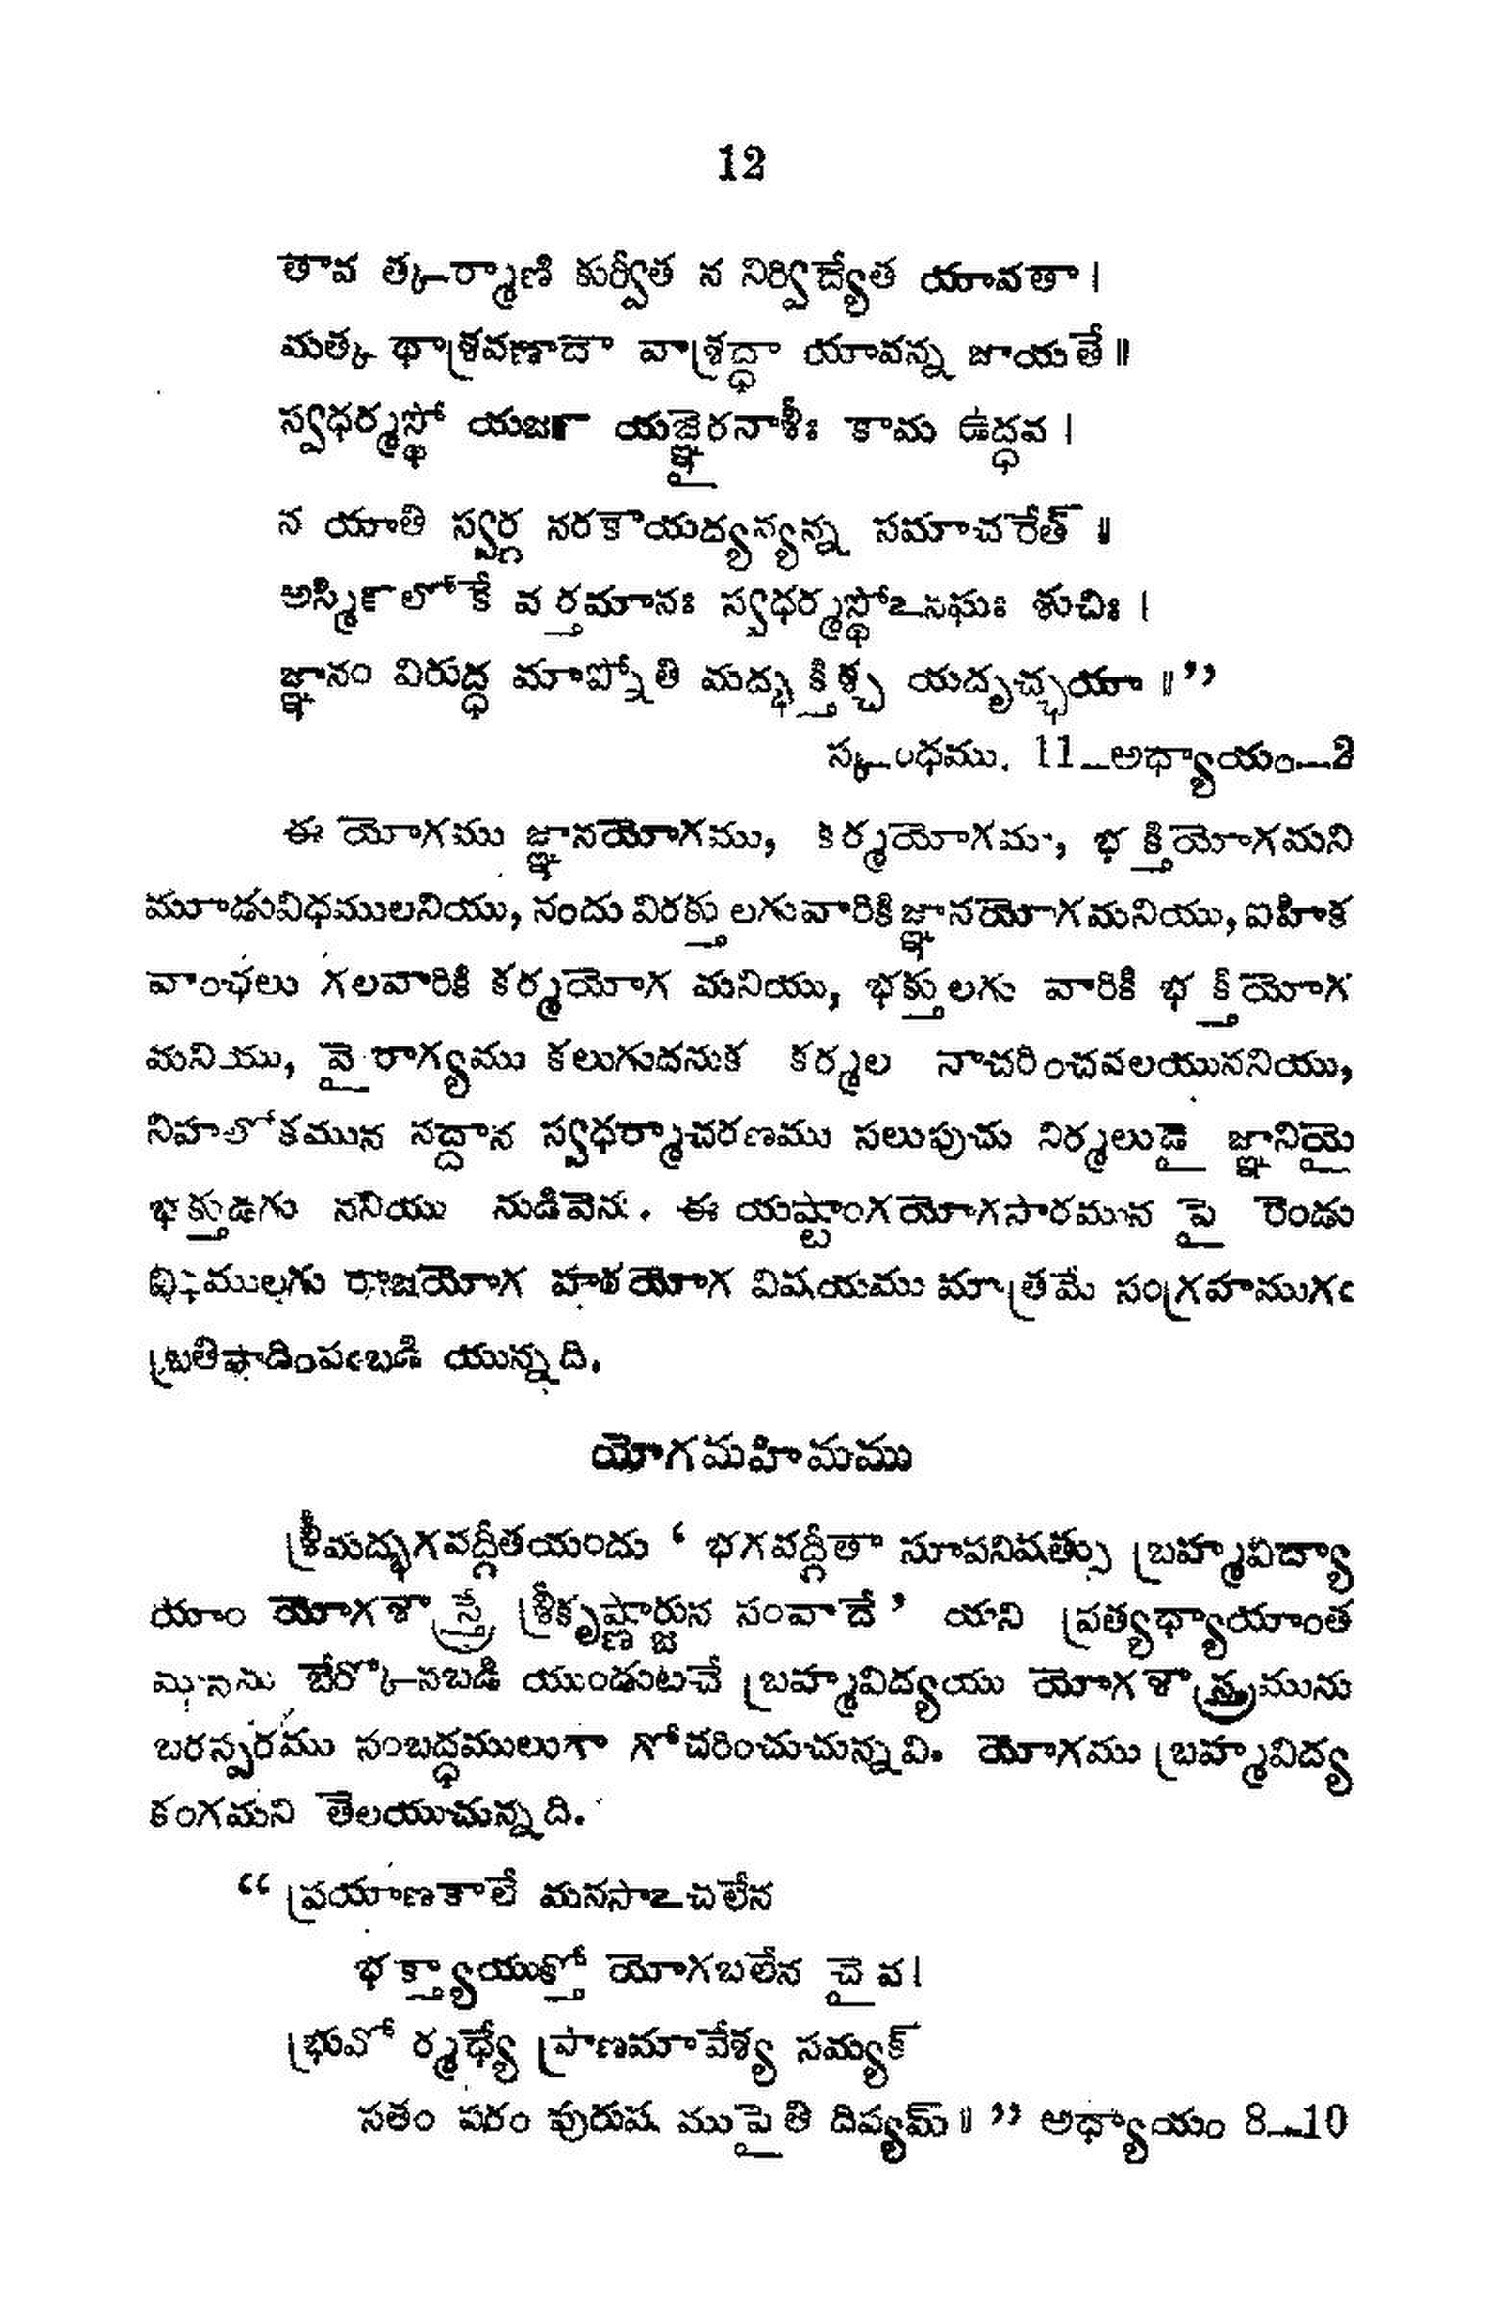తావ త్కర్మాణి కుర్వీత న నిర్విద్యేత యావతా।
మత్కథాశ్రవణాదౌ వాశ్రద్ధా యావన్న జాయతే॥
స్వధర్మజ్ఞో యజన్ యజ్ఞైరనాశీః కామ ఉద్ధవ।
న యాతి స్వర్గ నరకౌయద్యన్యన్న సమాచరేత్॥
అస్మిన్ లోకే వర్తమానః స్వధర్మస్థో౽నఘః శుచిః।
జ్ఞానం విరుద్ధ మాప్నోతి మద్భక్తిశ్చ యదృచ్ఛయా॥

ఈ యోగము జ్ఞానయోగము, కర్మయోగము, భక్తియోగ మని మూడువిధము లనియు, నందు విరక్తు లగువారికి జ్ఞానయోగ మనియు, ఐహికవాంఛలు గలవారికి కర్మయోగ మనియు, భక్తు లగువారికి భక్తియోగ మనియు, వైరాగ్యము కలుగుదనుక కర్మల నాచరించవలయుననియు, నిహలోకమున నద్దాన స్వధర్మాచరణము సలుపుచు నిర్మలుడై జ్ఞానియై భక్తు డగు ననియు నుడివెను. ఈ యష్టాంగయోగసారమున పై రెండువిధములగు రాజయోగ హఠయోగ విషయము మాత్రమే సంగ్రహముగఁ బ్రతిపాదింపఁబడి యున్నది.
యోగమహిమము
శ్రీమద్భగవద్గీతయందు 'భగవద్గీతా సూపనిషత్సు బ్రహ్మవిద్యాయాం యోగశాస్త్రే శ్రీకృష్ణార్జునసంవాదే' యని ప్రత్యధ్యాయాంతమనను బేర్కొనబడి యుండుటచే బ్రహ్మవిద్యయు యోగశాస్త్రమును బరస్పరము సంబద్ధములుగా గోచరించుచున్నవి. యోగము బ్రహ్మవిద్య కంగమని తెలియుచున్నది.